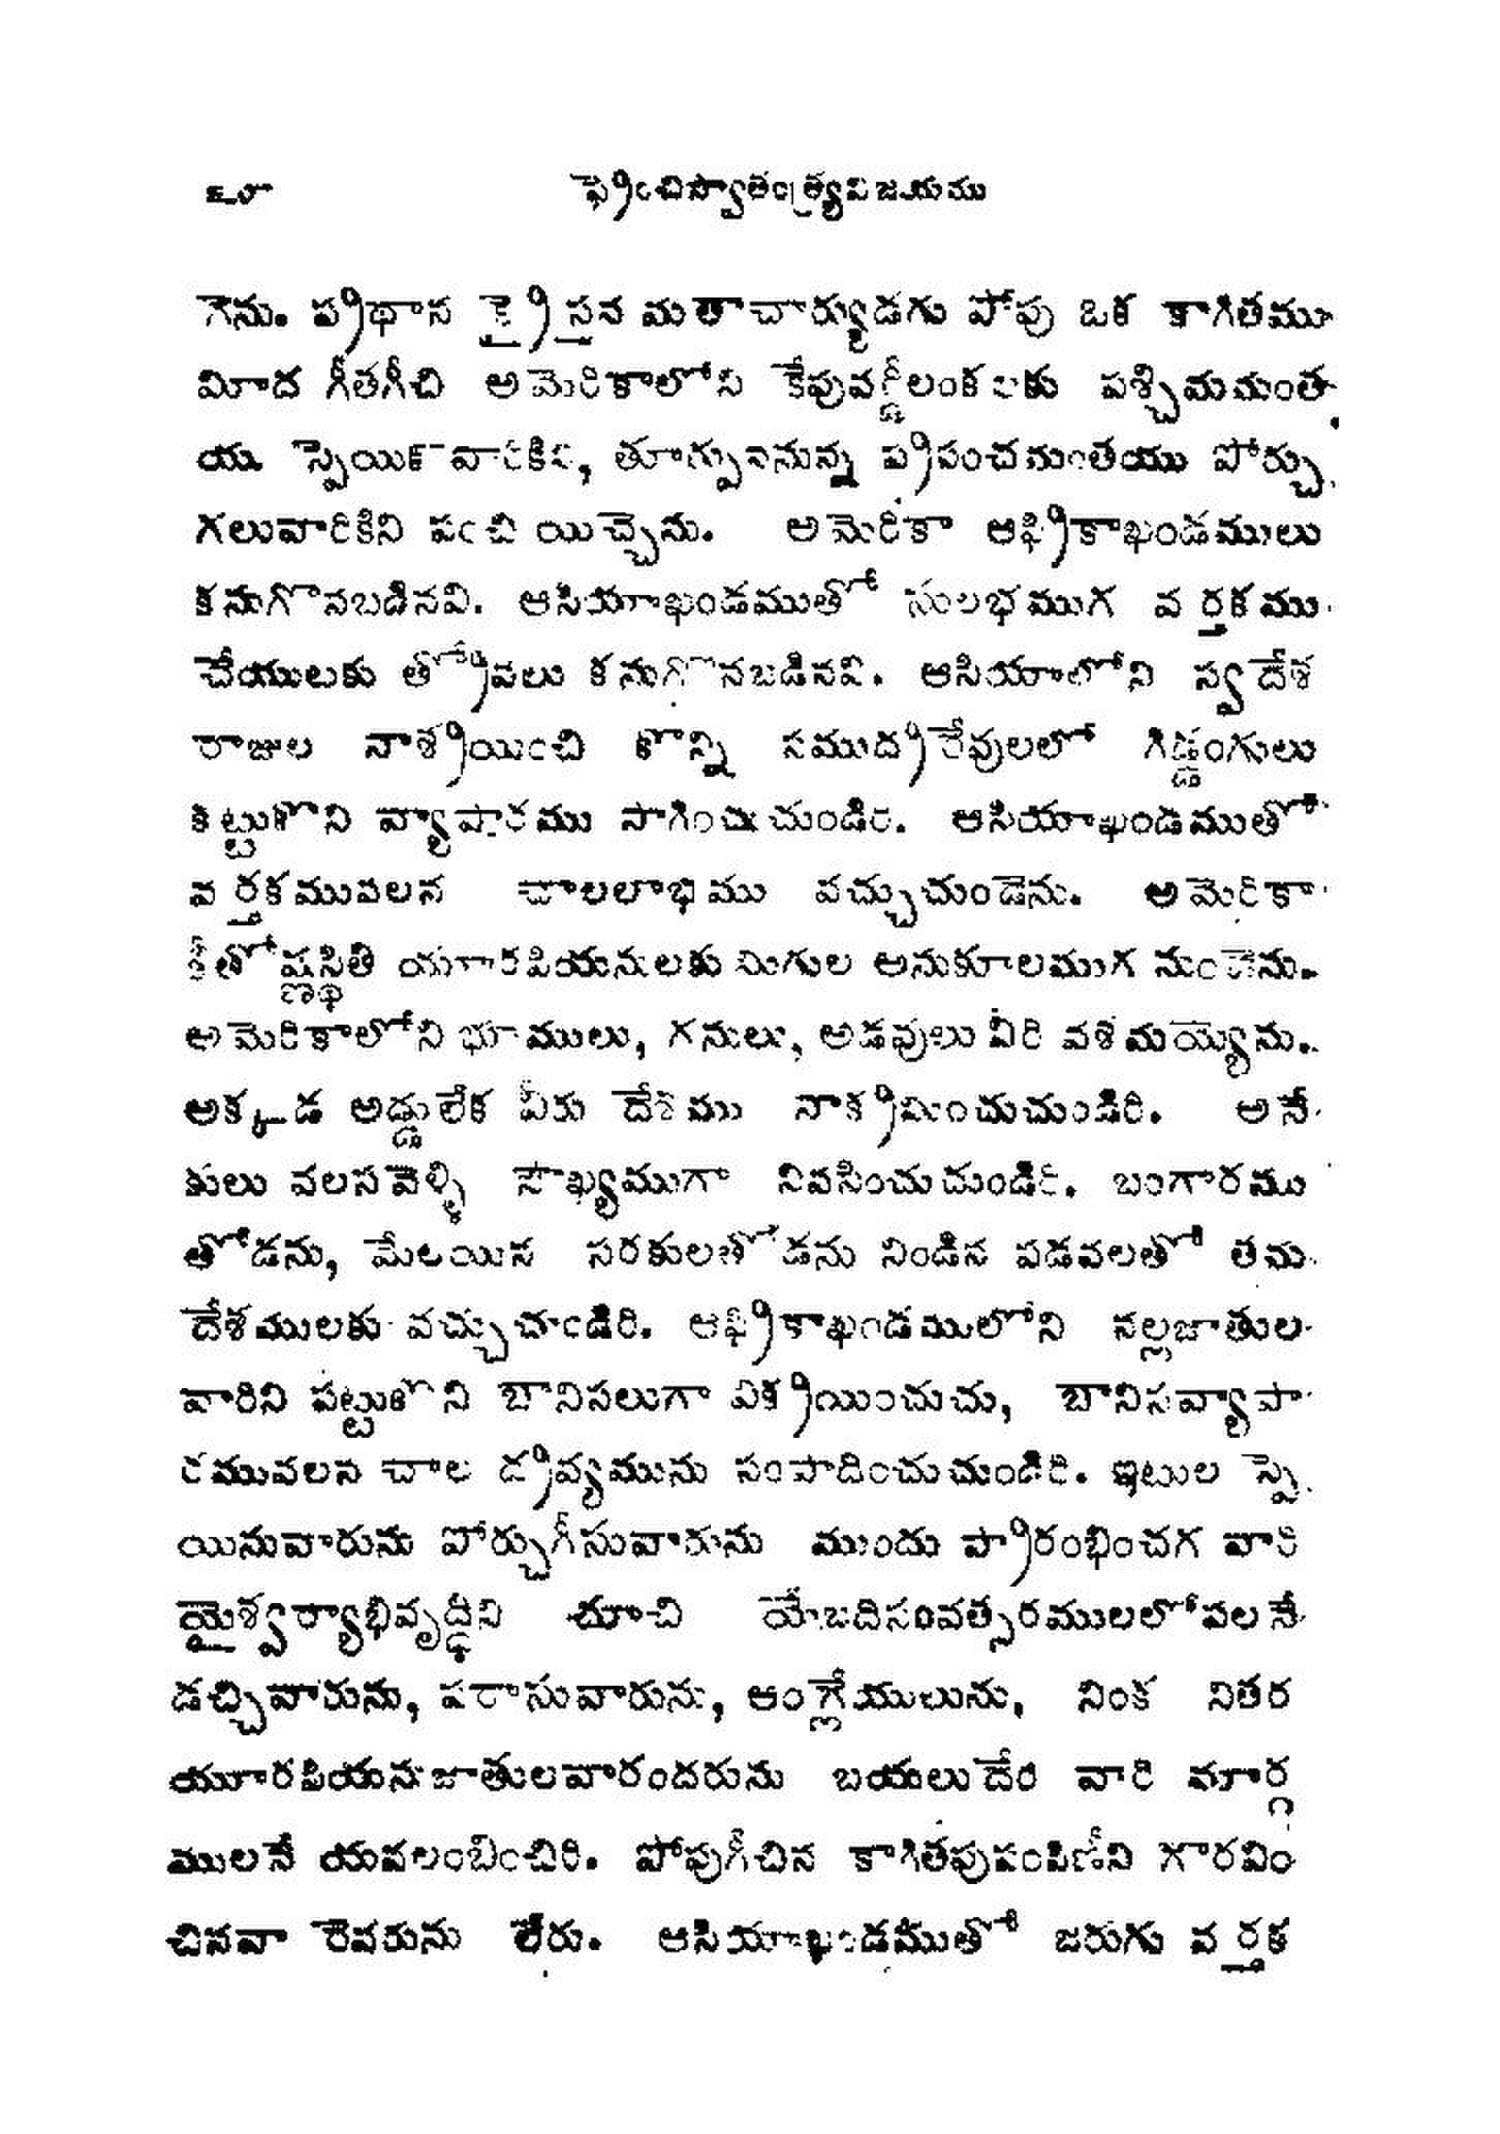గెను. ప్రధాన క్రై స్తవ మతాచార్యుడగు పోపు ఒక కాగితము
మీద గీతగీచి అమెరికాలోని కేపు వర్డీ లంక లకు పశ్చిమమంత.
యు 'స్పెయిస్" వానికి, తూర్పుగనున్న ప్రపంచమం తయు పోర్చు.
గలు వారికిని పఁంచి యిచ్చెసు. అమెరికా ఆఫ్రికాఖండములు
కనుగొనబడినవి. ఆసియా ఖండముతో సులభముగ వర్తకము.
చేయుటకు త్రోవలు కనుగొనబడినవి. ఆసియాలోని స్వదేశ
రాజుల నాశ్రయించి కొన్ని సముద్ర రేవులలో గిడ్డంగులు
కట్టుకొని వ్యాపారము సాగించు చుండిరి. ఆసియాఖండముతో
వర్తకముపలన చాలలాభము వచ్చుచుండెను. అమెరికా
శీతోష్ణస్థితి యూరపియనులకు మిగుల అనుకూలముగ నుండెను.
అమెరికాలోని భూములు, గనులు, అడవులు వీరి వశ మయ్యెను..
అక్కడ అడ్డు లేక వీరు దేశము నాక్రమించుచుండిరి. అనే
కులు వలస వెళ్ళి సౌఖ్యముగా నివసించుచుండి. బంగారము
తోడను, మేలయిన సరకులతోడను నిండిన పడవలతో తమ.
దేశములకు వచ్చుచుండిరి. ఆఫ్రికాఖండములోని నల్లజాతుల.
వారిని పట్టుకొని బానిసలుగా విక్రయించుచు, బానిసవ్యాపా'
రమువలన చాల దవ్యమును సంపాదించు చుండిరి. ఇటుల స్పె
యిను వారుసు పోర్చుగీసువారును ముందు ప్రారంభించగ వారి
యైశ్వర్యాభివృద్ధిని చూచి యేబదిసంవత్సరములలోపలనే,
డచ్చివారును, పరాసువారును, ఆంగ్లేయులును, నింక నితర
యూరపియన జాతుల వారందరును బయలు దేరి వారి మార్గ
ములనే యనలంబించిరి. పోపు గీచిన కాగితపు పంపిణీని గౌరవిం
చినవా రెవరును లేరు. ఆసియాఖ:డముతో జరుగు వర్తక